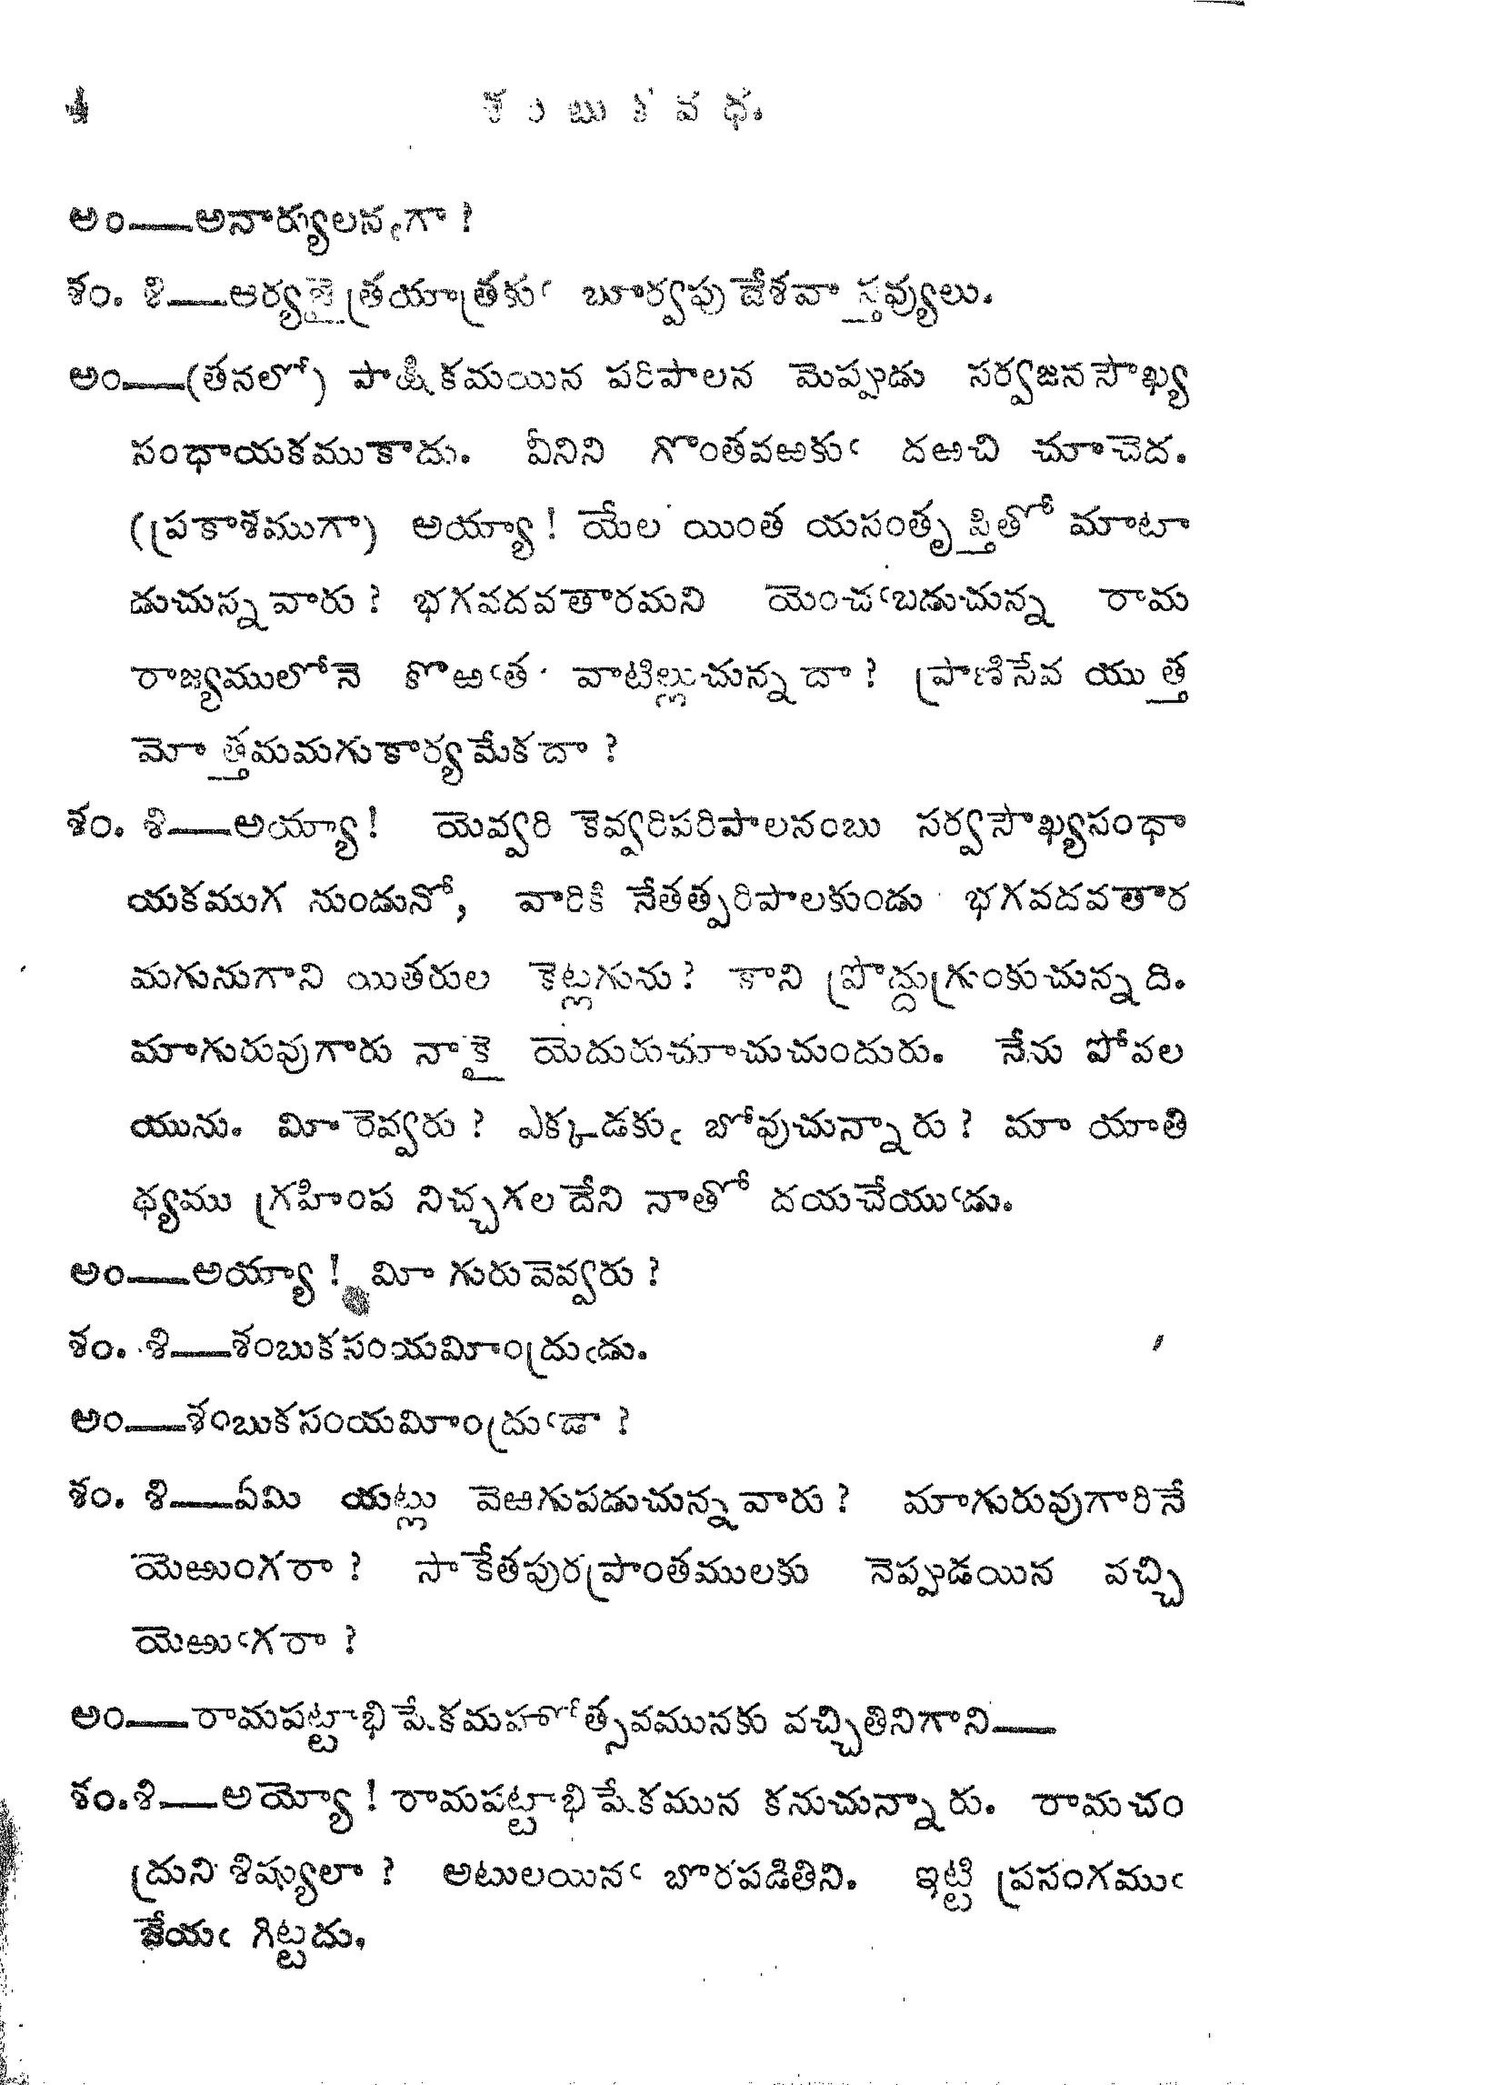అం: అనార్యులన గా !

శం. ...ఆర్య జైత్రయాత్రకు బూర్వపు దేశవాస్తవ్యులు.

అం-- (తనలో) పాక్షికమయిన పరిపాలన మెప్పుడు సర్వజన సౌఖ్య
 సంధాయకము కాదు. వీనిని గొంతవజుకుఁ దఱచి చూచెద.
 (ప్రకాశముగా) అయ్యా ! యేల యింత యసంతృప్తితో మాటా
 డుచున్న వారు : భగవదవతారమని యెంచఁబడుచున్న రామ
 రాజ్యములోనె కొఱత - వాటిల్లుచున్నదా! ప్రాణి సేవ యుత్త
 మోత్తమమగు కార్యమేకదా ?

శం. శి–అయ్యా! యెవ్వరి కెవ్వరిపరిపాలనంబు సర్వసౌఖ్యసంధా
 యకముగ నుండునో, వారికి నేతత్పరిపాలకుండు ' భగవదవతార
 మగునుగాని యితరుల కెట్లగును. కాని ప్రొద్దుగ్రంకుచున్నది.
 మాగురువు గారు నాకై యెదురుచూచు చుందురు. నేను పోవల
 యును. మీ రెవ్వరు ? ఎక్కడకుఁ బోవుచున్నారు ? మా యాతి
 థ్యము గ్రహింప నిచ్చగల దేని నాతో దయచేయుఁడు.

అం అయ్యా - మీ గురు వెవ్వరు ?

శం. : శంబుక సంయమీంద్రుఁడు.

అం: శంబుక సంయమీంద్రుఁడా ?

శం. :-ఏమి యట్లు వెఱగుపడుచున్న వారు? మాగురువుగారినే
 యెఱుంగరా ! సాకేతపురప్రాంతములకు నెప్పుడయిన వచ్చి
 యెఱుఁగరా?

అం రామపట్టాభి పేకమహోత్సవమునకు వచ్చితినిగాని........ 

శం.:- అయ్యో !రామపట్టాభి షేకమున కనుచున్నారు. రామచం
 ద్రుని శిష్యులా ? అటులయినఁ బొరపడితిని. ఇట్టి ప్రసంగముఁ
 జేయఁ గిట్టదు.